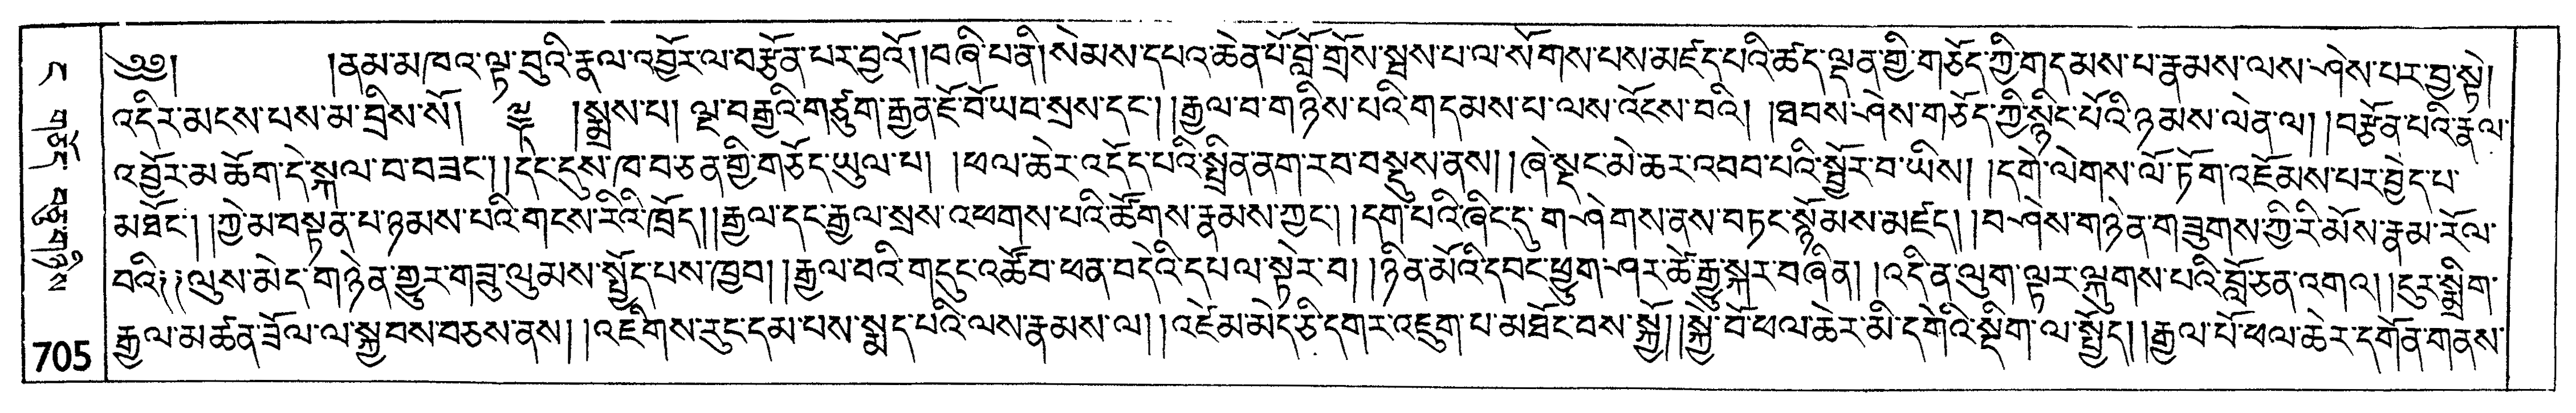༄༅། །ནམ་མཁའ་ལྟ་བུའི་རྣལ་འབྱོར་ལ་བརྩོན་པར་བྱའོ། །བཞི་པ་ནི། སེམས་དཔའ་ཆེན་པོ་བློ་གྲོས་སྦས་པ་ལ་སོགས་པས་མཛད་པའི་ཚད་ལྡན་གྱི་གཅོད་ཀྱི་གདམས་པ་རྣམས་ལས་ཤེས་པར་བྱ་སྟེ།
འདིར་མངས་པས་མ་བྲིས་སོ། ༈ །སྨྲས་པ། ལྔ་བརྒྱའི་གཙུག་རྒྱན་ཇོ་བོ་ཡབ་སྲས་དང་། །རྒྱལ་བ་གཉིས་པའི་གདམས་པ་ལས་འོངས་པའི། །ཐབས་ཤེས་གཅོད་ཀྱི་སྙིང་པོའི་ཉམས་ལེན་ལ། །བརྩོན་པའི་རྣལ་
འབྱོར་མཆོག་དེ་སྐལ་བ་བཟང་། །དེང་དུས་ཁ་བ་ཅན་གྱི་གཅོད་ཡུལ་པ། །ཕལ་ཆེར་འདོད་པའི་སྤྲིན་ནག་རབ་བསྡུས་ནས། །ཞེ་སྡང་མེ་ཆར་འབབ་པའི་སྦྱོར་བ་ཡིས། །དགེ་ལེགས་ལོ་ཏོག་འཇོམས་པར་བྱེད་པ་
མཐོང་། །ཀྱེ་མ་བསྟན་པ་ཉམས་པའི་གངས་རིའི་ཁྲོད། །རྒྱལ་དང་རྒྱལ་སྲས་འཕགས་པའི་ཚོགས་རྣམས་ཀྱང་། །དག་པའི་ཞིང་དུ་གཤེགས་ནས་བཏང་སྙོམས་མཛད། །བཤེས་གཉེན་གཟུགས་ཀྱི་རི་མོས་རྣམ་རོལ་
བའི། །ལུས་མེད་གཉེན་གྱུར་གཟུ་ལུམས་སྤྱོད་པས་ཁྱབ། །རྒྱལ་བའི་གདུང་འཚོ་བ་ཕན་བདེའི་དཔལ་སྟེར་བ། །ཉིན་མོའི་དབང་ཕྱུག་ཤར་ཚེ་རྒྱུ་སྐར་བཞིན། །འདི་ན་ལུག་ལྟར་ལྐུགས་པའི་བློ་ཅན་འགའ། །ངུར་སྨྲིག་
རྒྱལ་མཚན་ཟོལ་ལ་སྐྱབས་བཅས་ནས། །འཇིགས་རུང་དམ་པས་སྨད་པའི་ལས་རྣམས་ལ། །འཛེམ་མེད་ཅི་དགར་འཇུག་པ་མཐོང་བས་སྐྱོ། །སྐྱེ་བོ་ཕལ་ཆེར་མི་དགེའི་སྡིག་ལ་སྤྱོད། །རྒྱལ་པོ་ཕལ་ཆེར་དགོན་གནས་